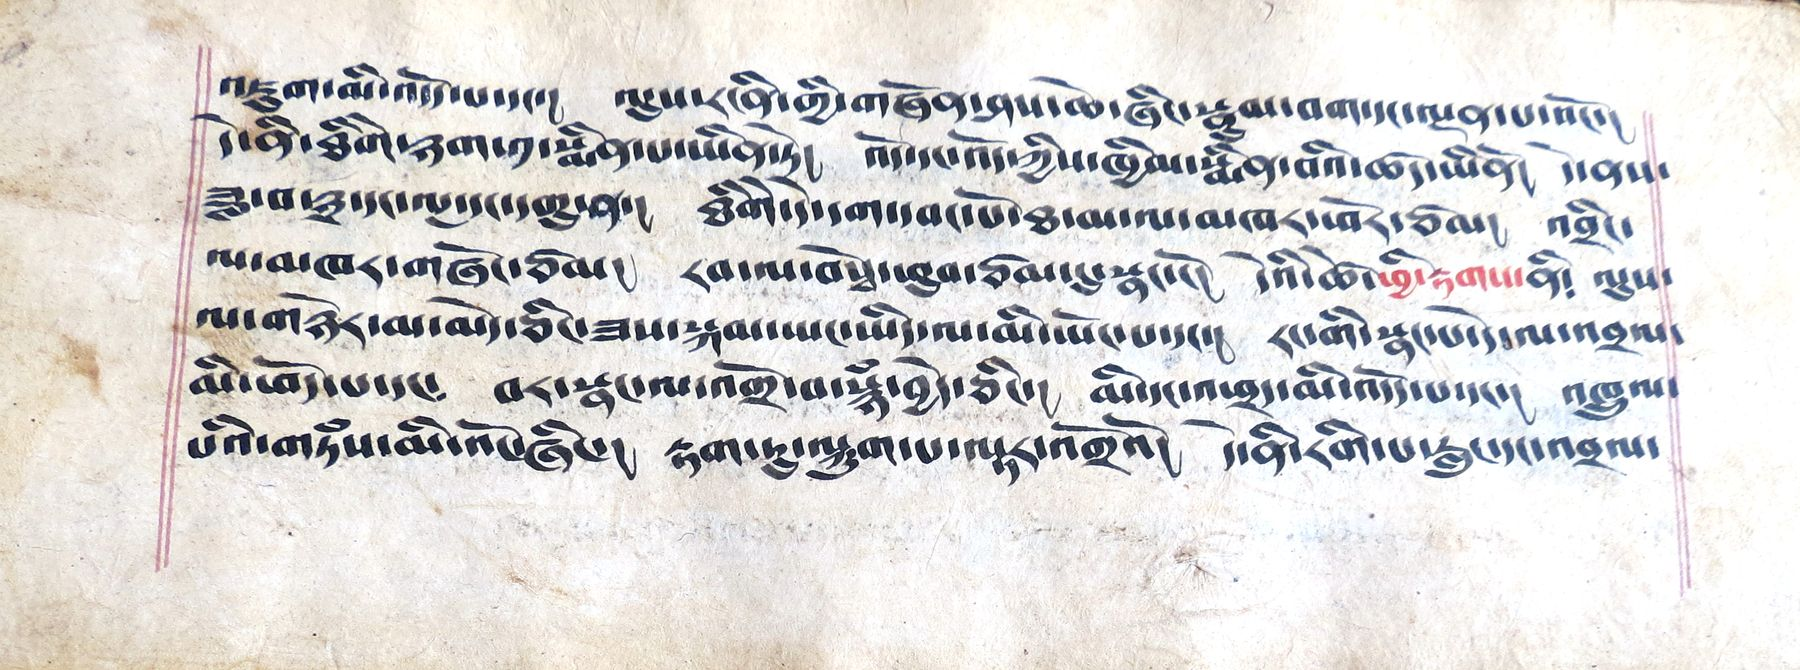འཇུག་སྙིང་མི་འདོད་པ་དང་། ལུས་རང་བཞིན་གྱིས་གཞོན་ཤས་ཆེ་ཞིང་སྣུམ་བག་དང་ལྡན་པར་འོང། 
དེ་ནི་ཐིག་ལེ་ཉག་གཅིག་སྨིན་པ་སྟེ། འོད་དང་འོད་ཁྱིམ་སྨིན་པའི་ཚད་ཡིན་ནོ། །དེ་ནས་
ཟླ་བ་གསུམ་དང་ལྔ་དང་དགུ་ན། ཐིག་ལེ་དེ་དག་དབང་པོ་ཐ་མ་ལ་འཁར་ཕོར་ཙམ། འབྲིང་
ལ་མཁར་གཞོང་ཙམ། རབ་ལ་བསེ་ཕུབ་ཙམ་དུ་སྣང་ངོ་། །དེའི་ཚེ་ཕྱི་རྟགས་ནི། ལུས་
ལ་གཉེར་མ་མེད་ཅིང་ཟས་སྐོམ་ཀྱང་ཡིད་དུ་མི་འོང་པ་དང་། རང་གི་སྣང་བ་དེ་ལ་འབྲལ་
མི་ཕོད་པ་དང་། བར་སྣང་ལ་འགྲོ་བ་སྙམ་བྱེད་ཅིང་མི་དང་འཕྲད་མི་འདོད་པ་དང་། འཁྲུལ་
པའི་གཏམ་མི་འོང་ཞིང་། རྟག་ཏུ་ལྐུགས་པ་ལྟར་འགྲོའོ། །དེ་ནི་རིག་པ་རླུང་དང་འབྲལ་